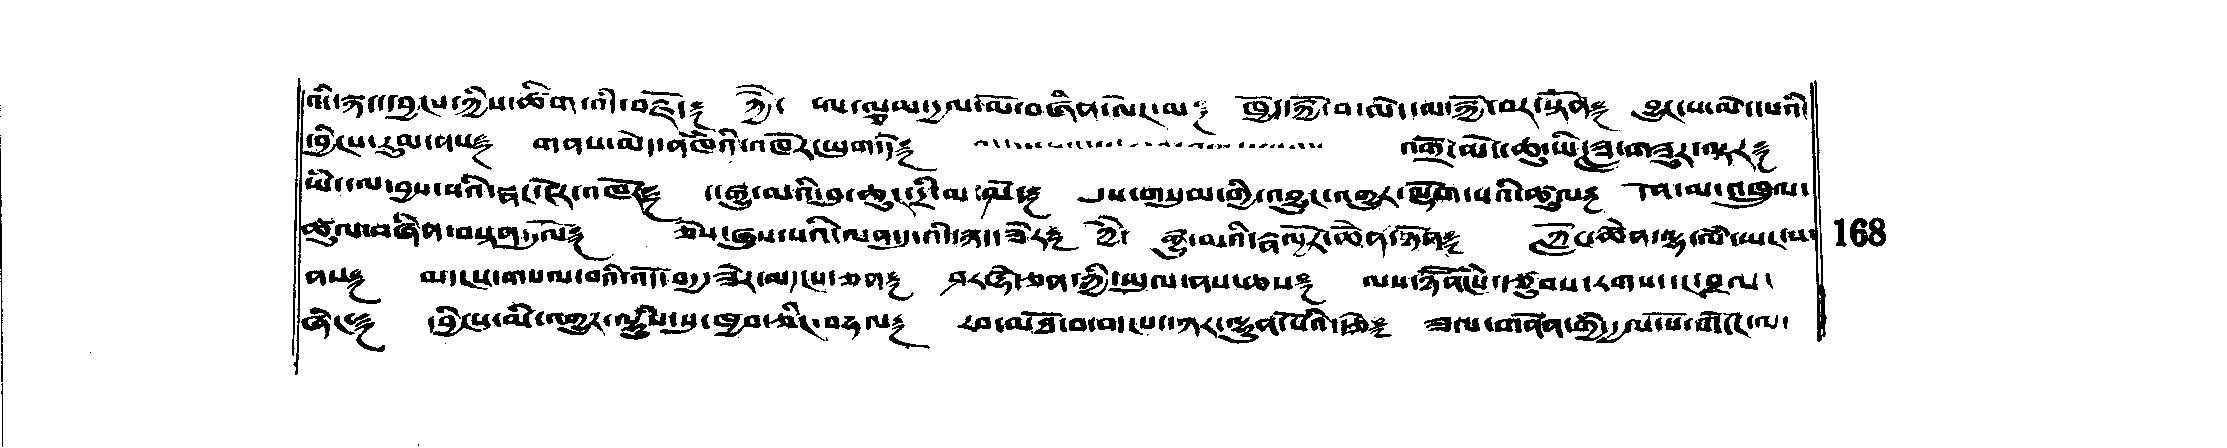འདི་སྐད་དབྱངས་ཀྱིས་ཚིག་འདི་བརྗོད། ཀྱཻ། ཨ་ལྕམ་རྒྱལ་མོ་བཞིན་ལེགས་མ། ཁྱོད་སྐྱེ་བ་མེད་ལ་སྐྱེ་བར་སྟོན། །བྱུང་ས་མེད་པའི་
དབྱིངས་རུམ་ནས། །གནས་མེད་ནམ་མཁའི་འཁོར་ཡུག་དེ། །འགྲོ་མེད་ཆུ་ཡི་ཟླ་གཟུགས་ལྟར། །
ཡིད་ལ་བྱས་པའི་སྣང་ངོར་འཁོར། །ང་སྒྱུ་མའི་བུ་ཆུང་དྲི་མ་མེད། །དུས་གསུམ་གྱི་འབྱུང་འགྱུར་ལྡོག་པའི་ཚུལ། །དོན་མ་འཁྲུལ་
ཚུལ་བཞིན་བསྟན་དུ་གསོལ། །ཅེས་ཞུས་པའི་ལན་དུ་འདི་སྐད་ཟེར།ཀྱཻ། སྒྱུ་མའི་རྣལ་འབྱོར་ཆེན་པོ་ཉོན། །ཀློང་ཆེན་པོ་ལྷ་ལམ་ཡངས་པ་
ནས། །མདངས་གསལ་བའི་འོད་བརྒྱ་ཟེར་མདངས་ཅན། །ཤར་རྡོ་རྗེ་ཅན་གྱི་ཡུལ་ནས་ཆས། །ལས་ཉོན་མོངས་རྩུབ་རགས་དང་བྲལ་
ཞིང་། །དབྱིངས་མི་འགྱུར་ལྷུམས་སུ་ཁྱབ་ཅིང་བརྡལ། །རབ་མཐོ་བ་གངས་དཀར་ལྷུན་པོའི་རྩེ། །ཟིལ་གནོན་གྱི་རྒྱལ་པོ་གདོང་ལ་